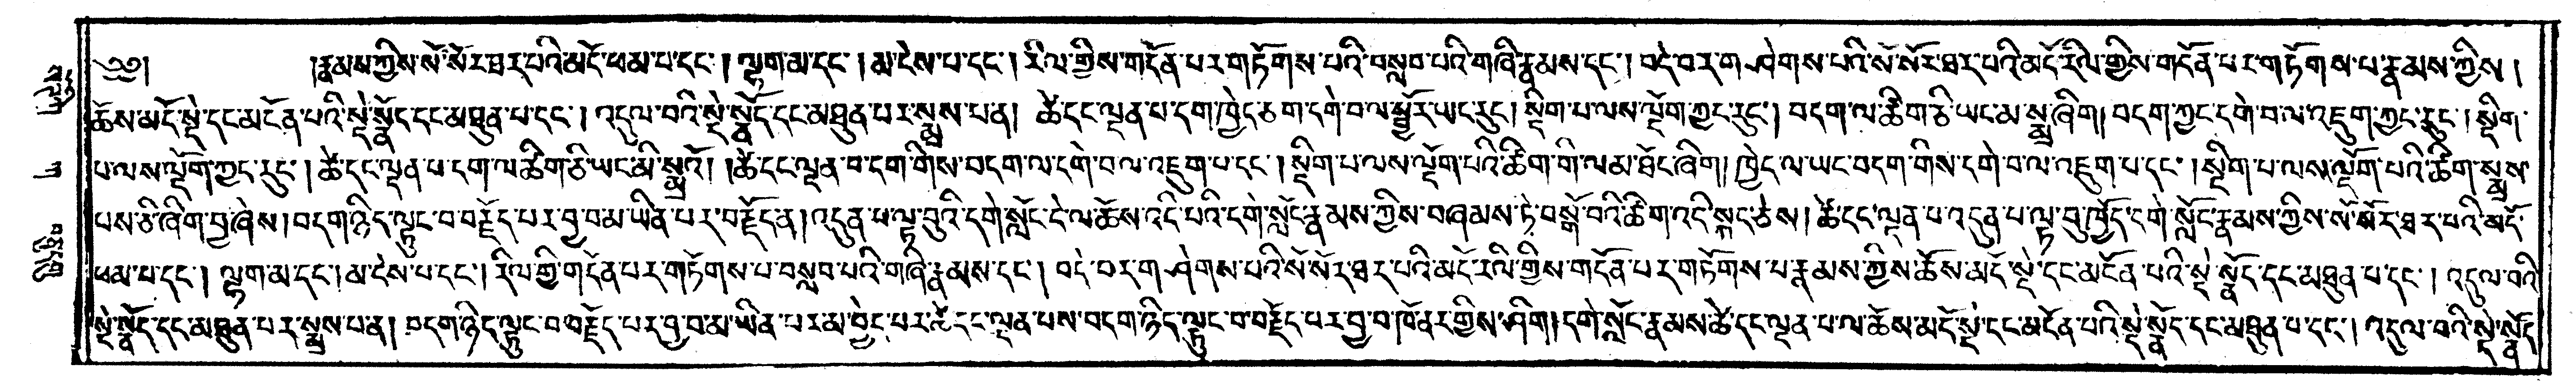༄༅། །རྣམས་ཀྱིས་སོ་སོར་ཐར་པའི་མོང་ཕམ་པ་དང་། ལྷག་མ་དང་། མ་ངེས་པ་དང་། རིལ་གྱིས་གདོན་པར་གཏོགས་པའི་བསླབ་པའི་གཞི་རྣམས་དང་། བདེ་བར་གཤེགས་པའི་སོ་སོར་ཐར་པའི་མདོ་རིལ་གྱིས་གདོན་པར་གཏོགས་པ་རྣམས་ཀྱིས།
ཆོས་མདོ་སྡེ་དང་མངོན་པའི་སྡེ་སྣོང་དང་མཐུན་པ་དང་། འདུལ་བའི་སྡེ་སྣོད་དང་མཐུན་པར་སྨྲས་པ་ན། ཚེ་དང་ལྡན་པ་དག་ཁྱེད་ཅག་དགེ་བ་ལ་སྦྱོར་ཡང་རུང་། སྡིག་པ་ལས་ལྡོག་ཀྱང་རུང་། བདག་ལ་ཚིག་ཅི་ཡང་མ་སྨྲ་ཞིག། བདག་ཀྱང་དགེ་བ་ལ་འཇུག་ཀྱང་རུང་། སྡིག་
པ་ལས་ལྡོག་ཀྱང་རུང་། ཚེ་དང་ལྡན་པ་དག་ལ་ཚིག་ཅི་ཡང་མི་སྨྲའོ། །ཚེ་དང་ལྡན་བ་དག་གིས་བདག་ལ་དགེ་བ་ལ་འཇུག་པ་དང་། སྡིག་པ་ལས་ལྡོག་པའི་ཚིག་གི་ལམ་ཐོང་ཞིག། ཁྱེད་ལ་ཡང་བདག་གིས་དགེ་བ་ལ་འཇུག་པ་དང་། སྡིག་པ་ལས་ལྡོག་པའི་ཚིག་སྨྲས་
པས་ཅི་ཞིག་བྱ་ཞེས། བདག་ཉིད་ལྟུང་བ་བརྗོད་པར་བྱ་བ་མ་ཡིན་པར་བརྗོད་ན། འདུན་པ་ལྟ་བུའི་དགེ་སློང་དེ་ལ་ཆོས་འདི་པའི་དགེ་སློང་རྣམས་ཀྱིས་བཞམས་ཏེ་བསྒོ་བའི་ཚིག་འདི་སྐད་ཅེས། ཚེ་དང་ལྡན་པ་འདུན་པ་ལྟ་བུ་ཁྱོད་དགེ་སློང་རྣམས་ཀྱིས་སོ་སོར་ཐར་པའི་མདོ་
ཕམ་པ་དང་། ལྷག་མ་དང་། མ་ངེས་པ་དང་། རིལ་གྱི་གདོན་པར་གཏོགས་པ་བསླབ་པའི་གཞི་རྣམས་དང་། བདེ་བར་གཤེགས་པའི་སོ་སོར་ཐར་པའི་མདོ་རིལ་གྱིས་གདོན་པར་གཏོགས་པ་རྣམས་ཀྱིས་ཆོས་མདོ་སྡེ་དང་མངོན་པའི་སྡེ་སྣོང་དང་མཐུན་པ་དང་། འདུལ་བའི་
སྡེ་སྣོད་དང་མཐུན་པར་སྨྲས་པ་ན། བདག་ཉིད་ལྟུང་བ་བརྗོད་པར་བྱ་བ་མ་ཡིན་པར་མ་བྱེད་པར་ཚེ་དང་ལྡན་པས་བདག་ཉིད་ལྟུང་བ་བརྗོད་པར་བྱ་བ་ཁོ་ནར་གྱིས་ཤིག། དགེ་སློང་རྣམས་ཚེ་དང་ལྡན་པ་ལ་ཆོས་མདོ་སྡེ་དང་མངོན་པའི་སྡེ་སྣོད་དང་མཐུན་པ་དང་། འདུལ་བའི་སྡེ་སྣོད་